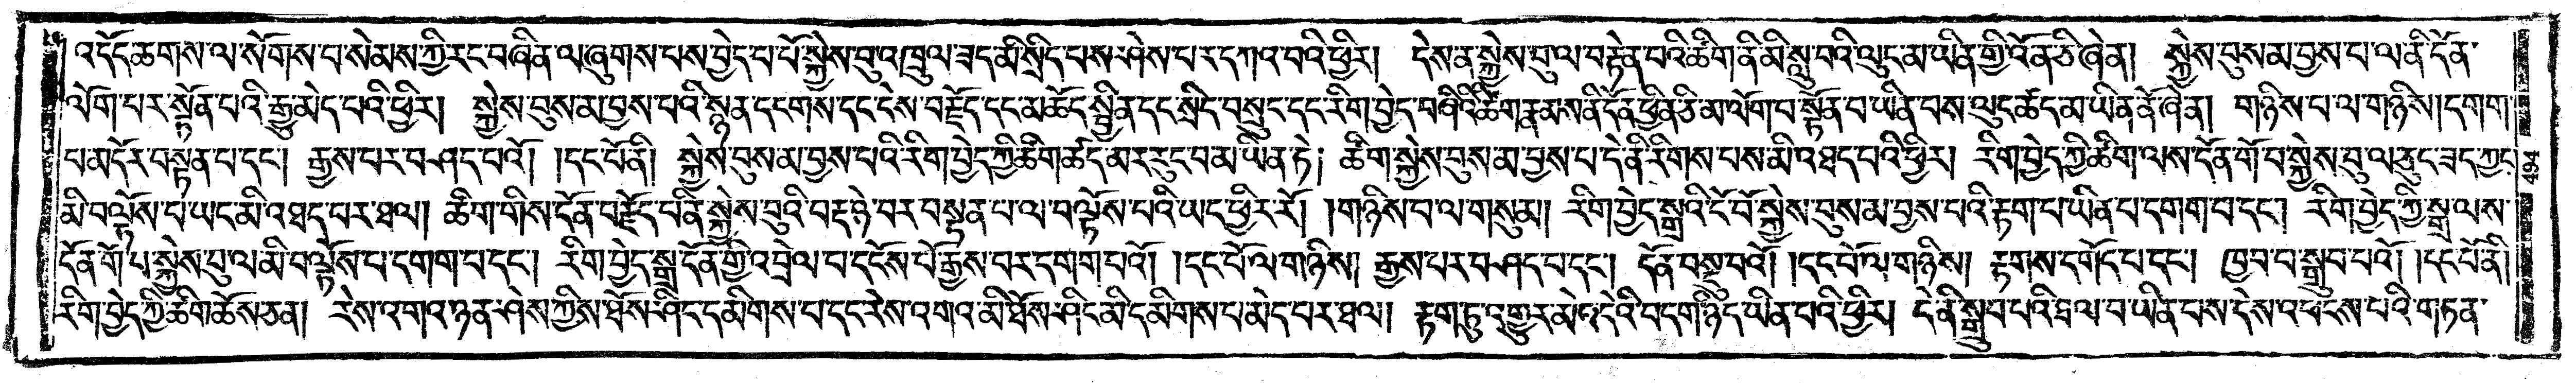འདོད་ཆགས་ལ་སོགས་པ་སེམས་ཀྱི་རང་བཞིན་ལ་ཞུགས་པས་བྱེད་པ་པོ་སྐྱེས་བུ་འཁྲུལ་ཟད་མི་སྲིད་པས་ཤེས་པར་དཀའ་བའི་ཕྱིར། དེས་ན་སྐྱེས་བུ་ལ་བརྟེན་པའི་ཚིག་ནི་མི་སླུ་བའི་ལུང་མ་ཡིན་གྱི་འོ་ན་ཅི་ཞེ་ན། སྐྱེས་བུས་མ་བྱས་པ་ལ་ནི་དོན་
ལོག་པར་སྟོན་པའི་རྒྱུ་མེད་པའི་ཕྱིར། སྐྱེས་བུས་མ་བྱས་པའི་སྙན་དངགས་དང་ངེས་བརྗོད་དང་མཆོད་སྦྱིན་དང་སྲིད་བསྲུང་དང་རིག་བྱེད་བཞིའི་ཚིག་རྣམས་ནི་དོན་ཕྱིན་ཅི་མ་ལོག་པ་སྟོན་པ་ཡིན་པས་ལུང་ཚད་མ་ཡིན་ནོ་ཞེ་ན། གཉིས་པ་ལ་གཉིས། དགག་
པ་མདོར་བསྟན་པ་དང་། རྒྱས་པར་བཤད་པའོ། །དང་པོ་ནི། སྐྱེས་བུས་མ་བྱས་པའི་རིག་བྱེད་ཀྱི་ཚིག་ཚད་མར་རུང་བ་མ་ཡིན་ཏེ། ཚིག་སྐྱེས་བུས་མ་བྱས་པ་དེ་ནི་རིགས་པས་མི་འཐད་པའི་ཕྱིར། རིག་བྱེད་ཀྱི་ཚིག་ལས་དོན་གོ་བ་སྐྱེས་བུ་ལ་ཅུང་ཟད་ཀྱང་
མི་བལྟོས་པ་ཡང་མི་འཐད་པར་ཐལ། ཚིག་གིས་དོན་བརྗོད་པ་ནི་སྐྱེས་བུའི་བརྡ་ཉེ་བར་བསྟན་པ་ལ་བལྟོས་པའི་ཡང་ཕྱིར་རོ། །གཉིས་པ་ལ་གསུམ། རིག་བྱེད་སྒྲའི་ངོ་བོ་སྐྱེས་བུས་མ་བྱས་པའི་རྟག་པ་ཡིན་པ་དགག་པ་དང་། རིག་བྱེད་ཀྱི་སྒྲ་ལས་
དོན་གོ་བ་སྐྱེས་བུ་ལ་མི་བལྟོས་པ་དགག་པ་དང་། རིག་བྱེད་སྒྲ་དོན་གྱི་འབྲེལ་པ་དངོས་པོ་རྒྱས་པར་དགག་པའོ། །དང་པོ་ལ་གཉིས། རྒྱས་པར་བཤད་པ་དང་། དོན་བསྡུ་བའོ། །དང་པོ་ལ་གཉིས། རྟགས་དགོད་པ་དང་། ཁྱབ་པ་སྒྲུབ་པའོ། །དང་པོ་ནི།
རིག་བྱེད་ཀྱི་ཚིག་ཆོས་ཅན། རེས་འགའ་ཉན་ཤེས་ཀྱིས་ཐོས་ཤིང་དམིགས་པ་དང་རེས་འགའ་མི་ཐོས་ཤིང་མི་དམིགས་པ་མེད་པར་ཐལ། རྟག་ཏུ་འགྱུར་མའི་?་དེའི་བདག་ཉིད་ཡིན་པའི་ཕྱིར། དེ་ནི་སྒྲུབ་པའི་ཐལ་བ་ཡིན་པས་དེས་འཕངས་པའི་གཏན་